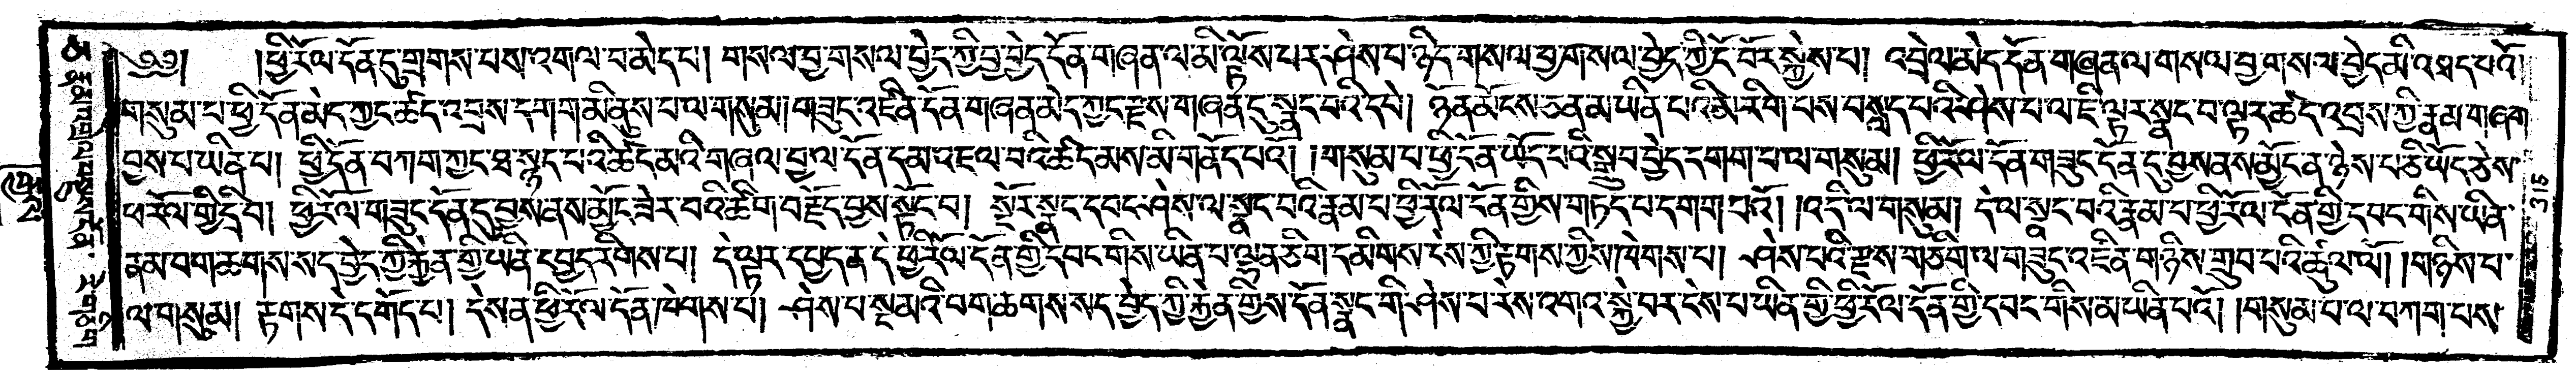༄༅། །ཕྱི་རོལ་དོན་དུ་གྲགས་པས་འགལ་བ་མེད་པ། གསལ་བྱ་གསལ་བྱེད་ཀྱི་བྱ་བྱེད་དོན་གཞན་ལ་མི་ལྟོས་པར་ཤེས་པ་ཉིད་གསལ་བྱ་གསལ་བྱེད་ཀྱི་ངོ་བོར་སྐྱེས་པ། འབྲེལ་མེད་དོན་གཞན་ལ་གསལ་བྱ་གསལ་བྱེད་མི་འཐད་པའོ།
གསུམ་པ་ཕྱི་དོན་མེད་ཀྱང་ཚད་འབྲས་དགག་མི་ནུས་པ་ལ་གསུམ། གཟུང་འཛིན་དོན་གཞན་མེད་ཀྱང་རྫས་གཞན་དུ་སྣང་བའི་དཔེ། ཉོན་མོངས་ཅན་མ་ཡིན་པའི་མ་རིག་པས་བསླད་པའི་ཤེས་པ་ལ་ཇི་ལྟར་སྣང་བ་ལྟར་ཚད་འབྲས་ཀྱི་རྣམ་གཞག་
བྱས་པ་ཡིན་པ། ཕྱི་དོན་བཀག་ཀྱང་ཐ་སྙད་པའི་ཚད་མའི་གཞལ་བྱ་ལ་དོན་དམ་འཇལ་བའི་ཚད་མས་མི་གནོད་པའོ། །གསུམ་པ་ཕྱི་དོན་ཡོད་པའི་སྒྲུབ་བྱེད་དགག་པ་ལ་གསུམ། ཕྱི་རོལ་དོན་གཟུང་དོན་དུ་བྱས་ནས་མྱོང་ན་ཉེས་པ་ཅི་ཡོད་ཅེས་
ཕ་རོལ་གྱི་དྲི་བ། ཕྱི་རོལ་གཟུང་དོན་དུ་བྱས་ནས་མྱོང་ཟེར་བའི་ཚིག་བརྗོད་བྱས་སྟོང་བ། སྔོར་སྣང་དབང་ཤེས་ལ་སྣང་བའི་རྣམ་པ་ཕྱི་རོལ་དོན་གྱིས་གཏད་པ་དགག་པའོ། །འདི་ལ་གསུམ། དེ་ལ་སྣང་བའི་རྣམ་པ་ཕྱི་རོལ་དོན་གྱི་དབང་གིས་ཡིན་
ནམ་བག་ཆགས་སད་བྱེད་ཀྱི་རྐྱེན་གྱི་ཡིན་དཔྱད་རིགས་པ། དེ་ལྟར་དཔྱད་ན་དེ་ཕྱི་རོལ་དོན་གྱི་དབང་གིས་ཡིན་པ་ལྷན་ཅིག་དམིགས་ངེས་ཀྱི་རྟགས་ཀྱིས་ཁེགས་པ། ཤེས་པའི་རྫས་གཅིག་ལ་གཟུང་འཛིན་གཉིས་གྲུབ་པའི་ཚུལ་ལོ། །གཉིས་པ་
ལ་གསུམ། རྟགས་དེ་དགོད་པ། དེས་ན་ཕྱི་རོལ་དོན་ཁེགས་པ། ཤེས་པ་སྔ་མའི་བག་ཆགས་སད་བྱེད་ཀྱི་རྐྱེན་གྱིས་དོན་སྣང་གི་ཤེས་པ་རེས་འགའ་སྐྱེ་བར་ངེས་པ་ཡིན་གྱི་ཕྱི་རོལ་དོན་གྱི་དབང་གིས་མ་ཡིན་པའོ། །གསུམ་པ་ལ་བཀག་པས་